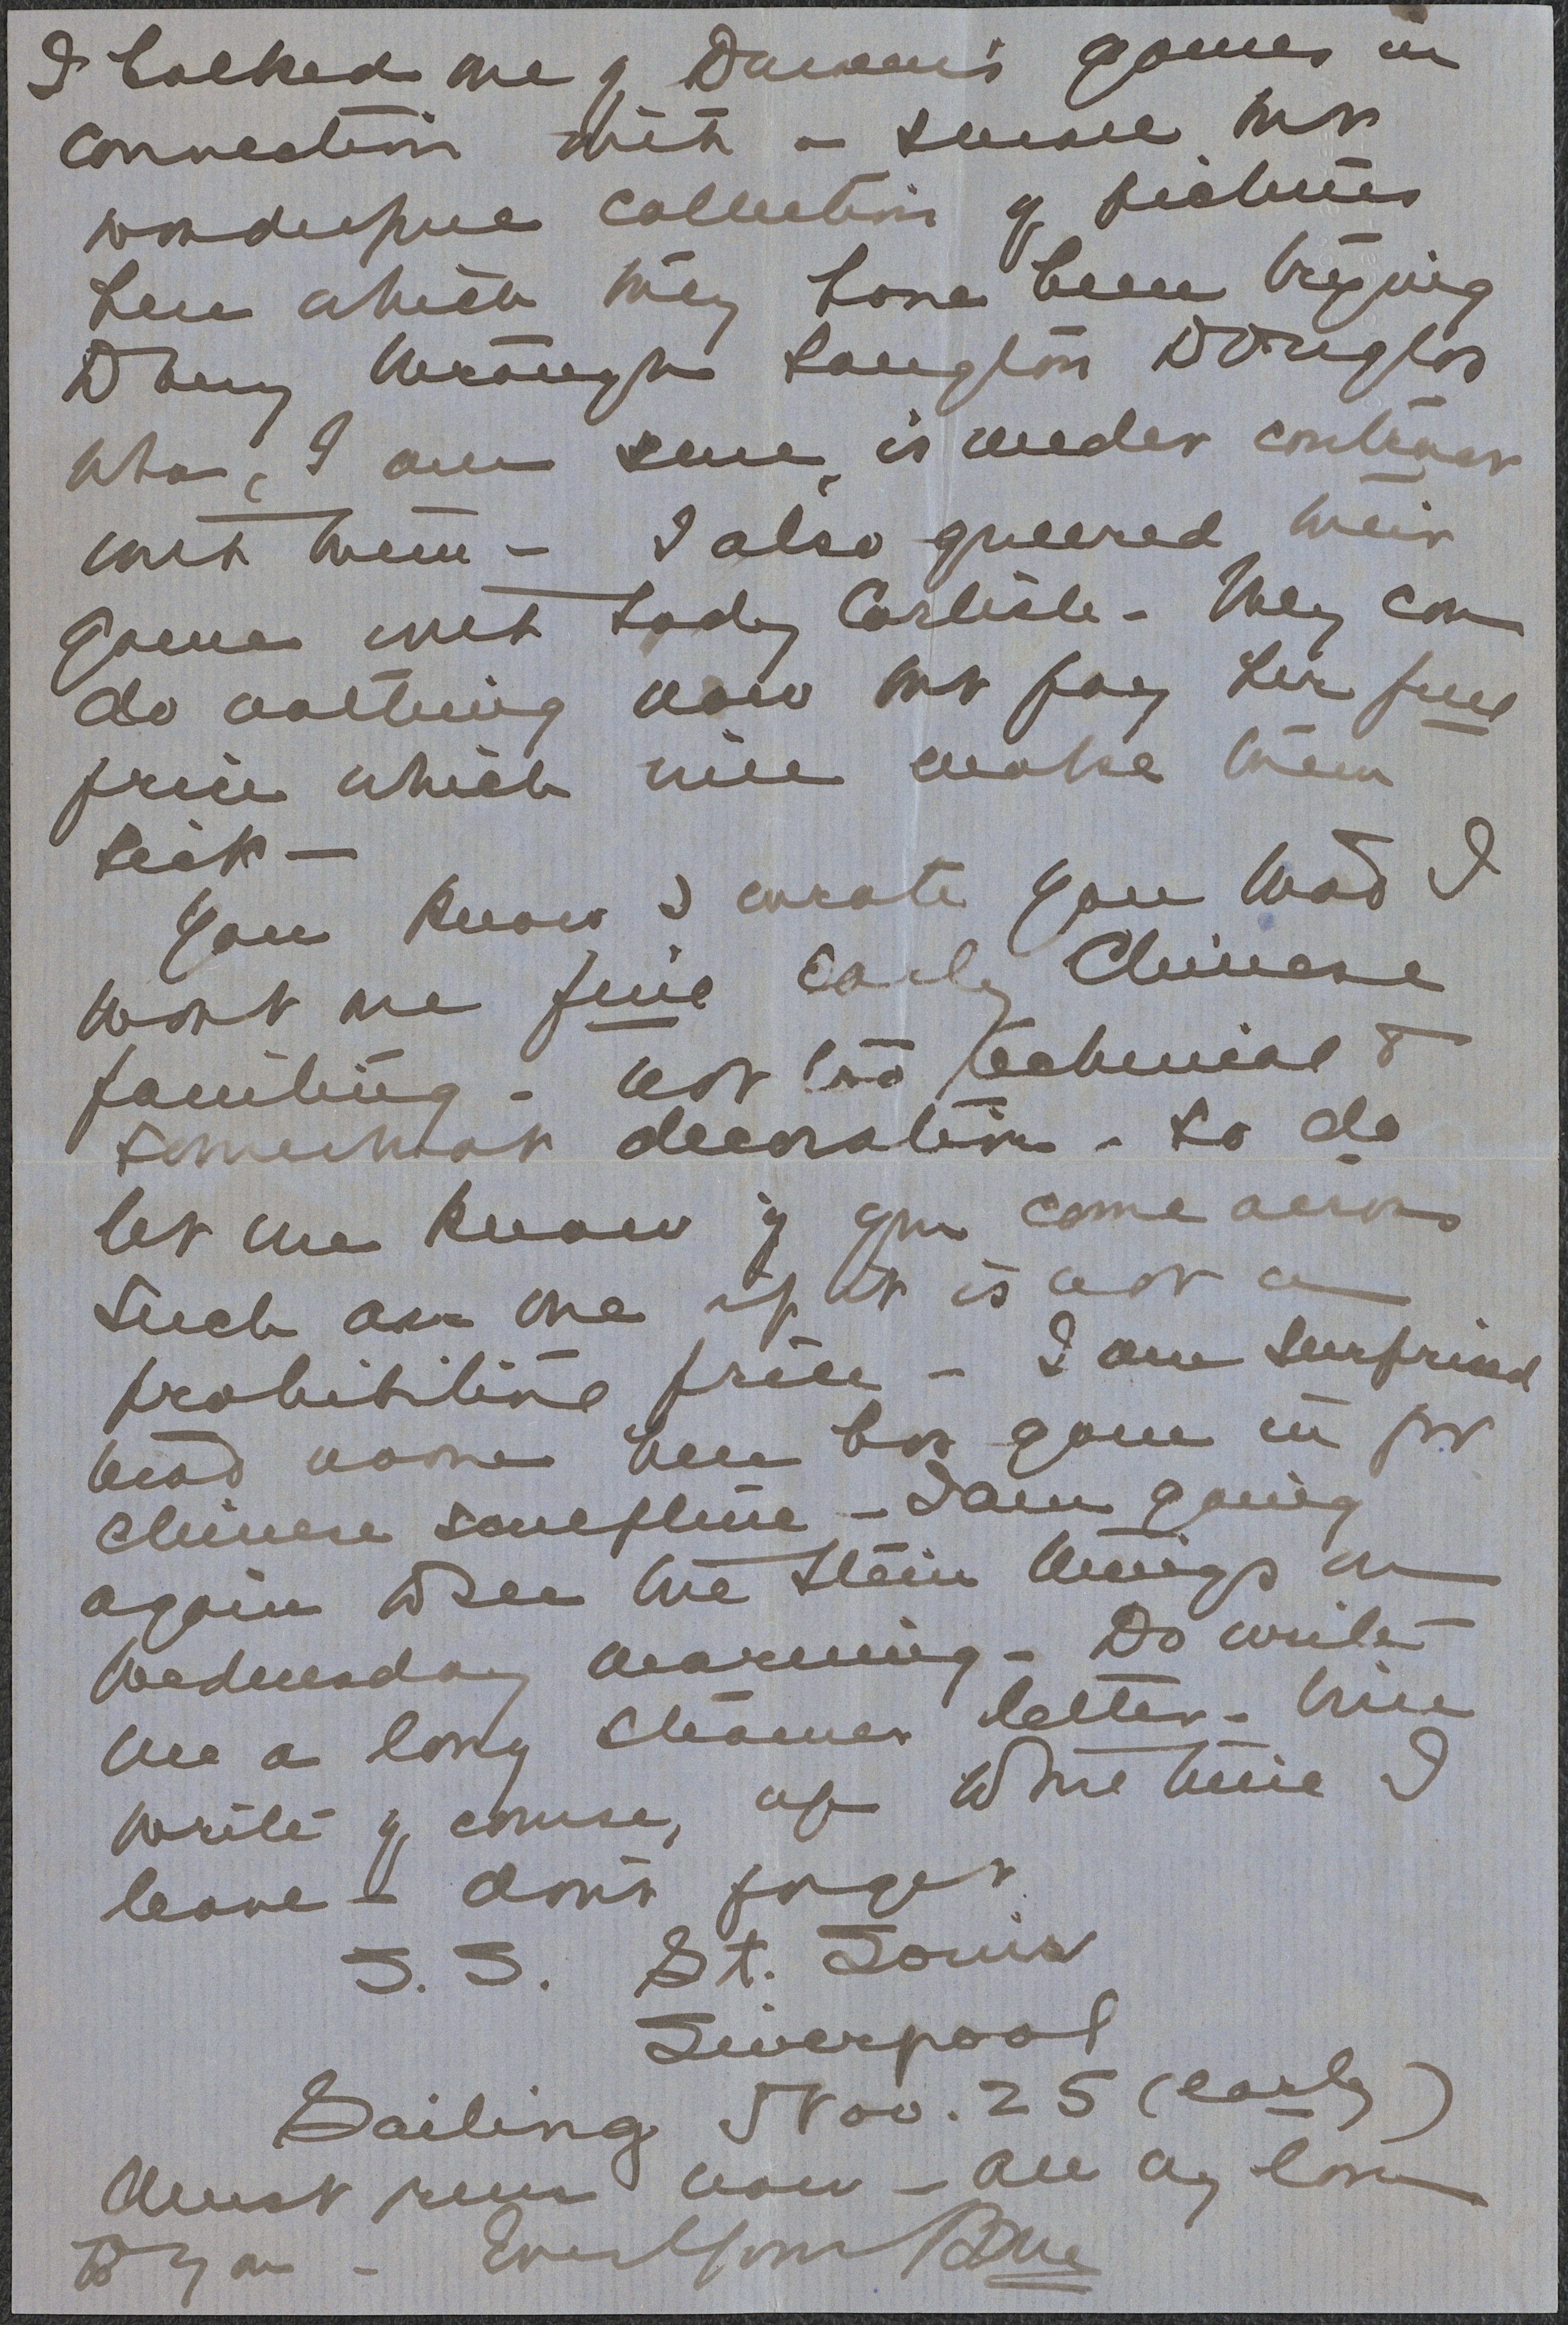I backed one of Duveen’s games in connection with a small but wonderful collection of pictures here which they have been trying to buy through Langton Douglas who, I am sure, is under contract with them – I also queered their game with Lady Carlisle – They can do nothing now but pay her full price which will make them sick –
You know I wrote you that I want one fine early Chinese painting – not too technical & somewhat decorative – so do let me know if you come across such ask me if it is not a prohibitive price – I am surprised that noone [sic] here has gone in for chinese sculpture – I am going again to see the Stein things on Wednesday morning – Do write me a long steamer letter – Will write of course, up to the time I leave – don’t forget
S.S. St. Louis
Liverpool
Sailing Nov. 25 (early)
Must run now – all my love to you – Ever Your Belle